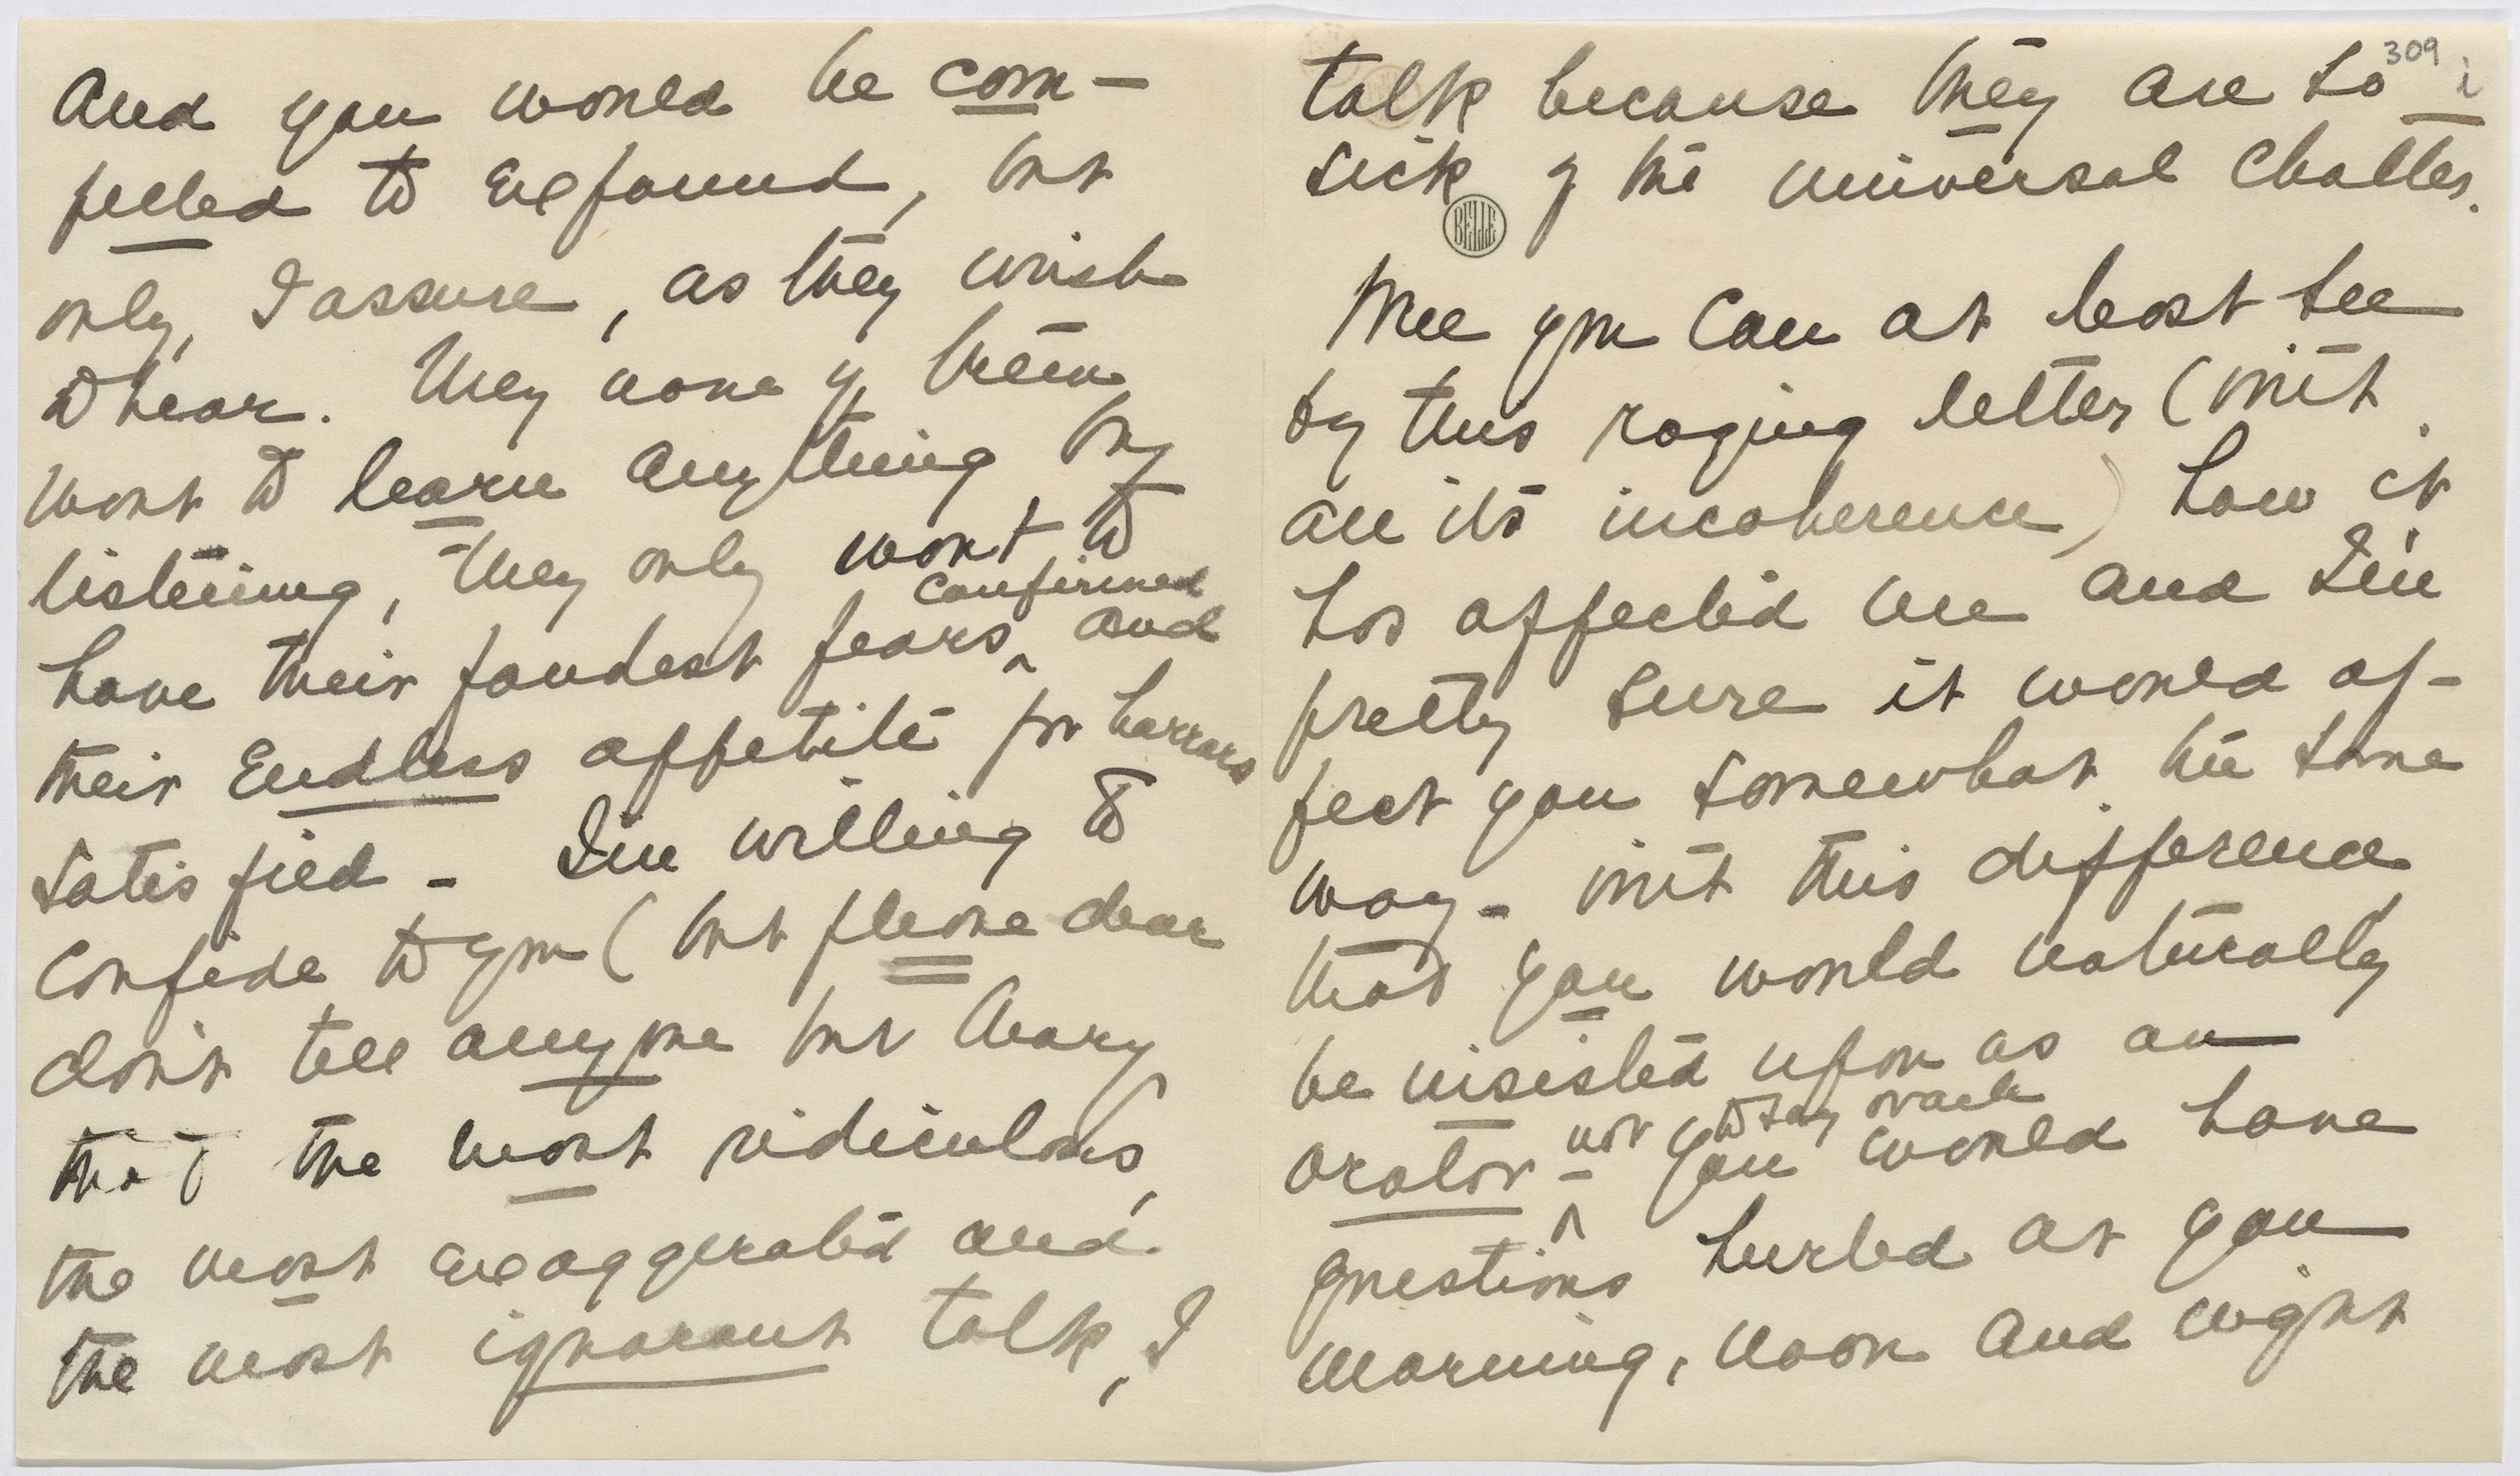talk because they are so sick of the universal chatter.
Well you can at least see by this raging letter (with all its incoherence) how it has affected me and I’m pretty sure it would affect you somewhat the same way – with this difference that you would naturally be insisted upon as an orator – [^not to say oracle^] you would have questions hurled at you morning, noon and night
and you would be compelled to expound, but only, I assure, as they wish to hear. They none of them want to learn anything by listening, they only want to have their fondest fears [^confirmed^] and their endless appetite for horrors satisfied – I’m willing to confide to you (but [double underlined: please] dear don’t tell anyone but Mary that the most ridiculous, the most exaggerated and the most ignorant talk, I